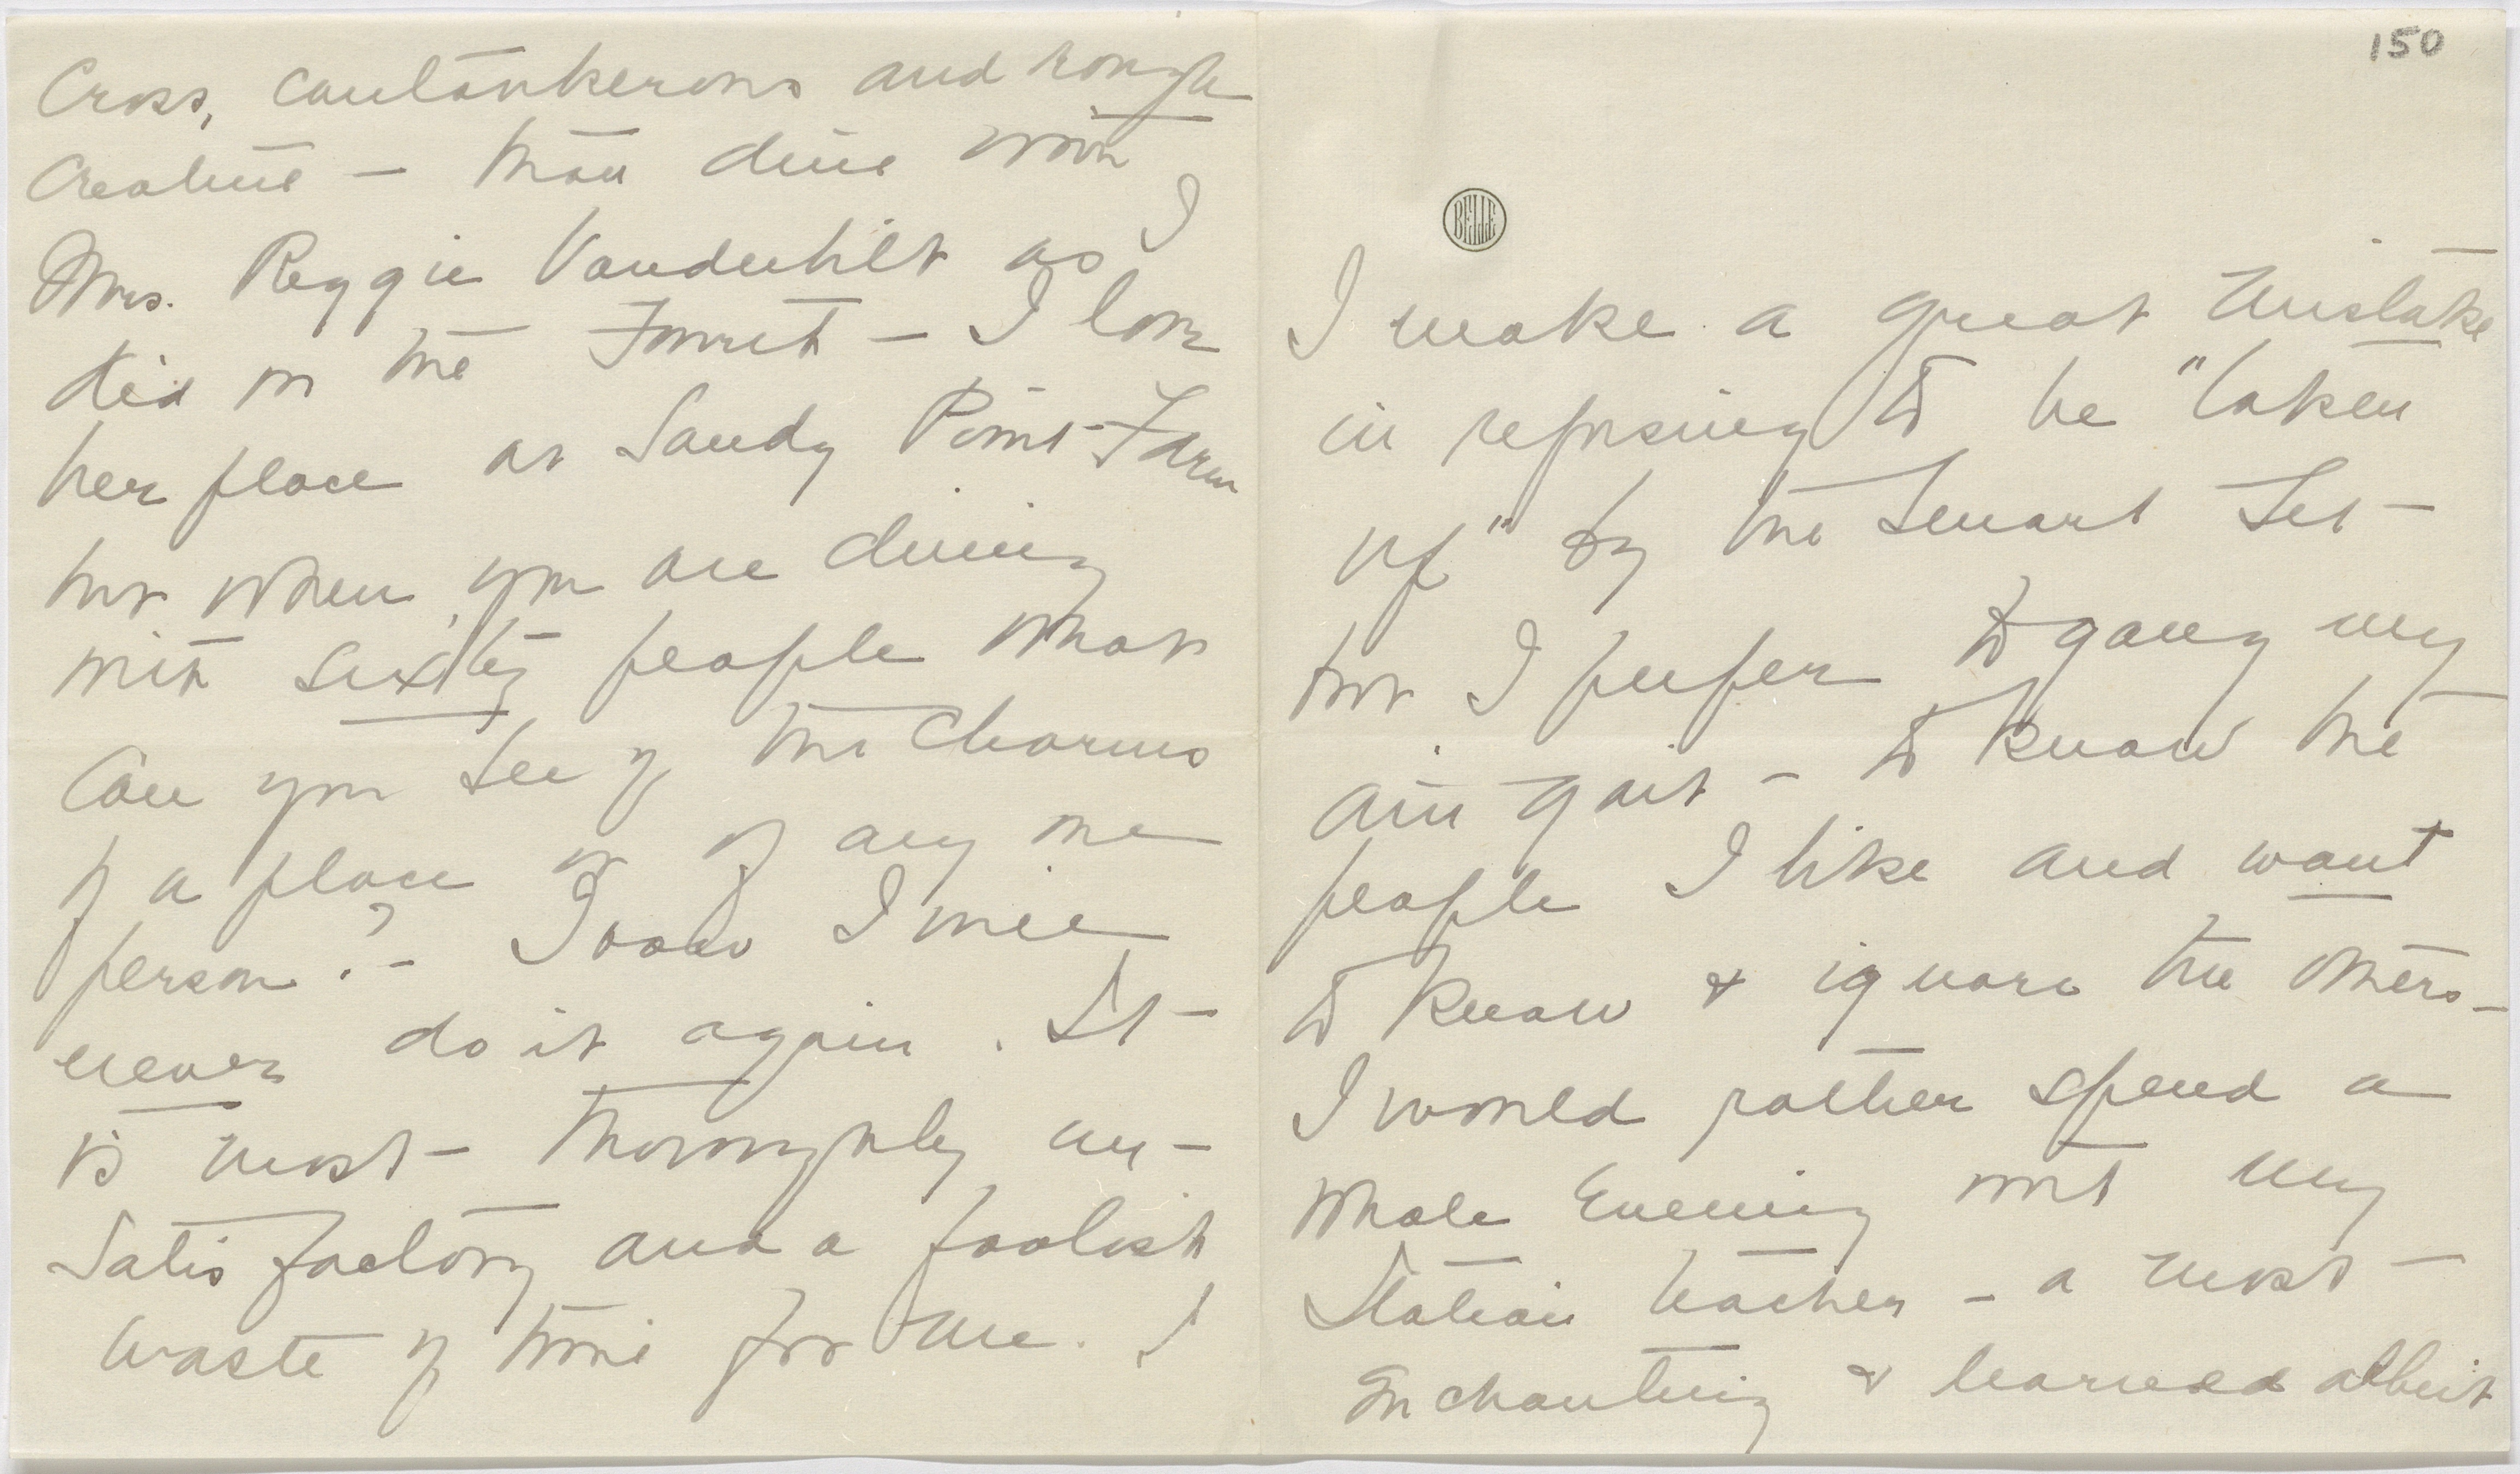I make a great mistake in refusing to be “taken up” by the Smart Set – for I prefer to gang my ain gait – to know the people I like and want to know & ignore the others – I would rather spend a whole evening with my Italian teacher – a most enchanting & learned albeit
cross, cantankerous and rough creature – than dine with Mrs. Reggie Vanderbilt as I did on the Fourth – I love her place at Sandy Point Farm but when you are dining with sixty people what can you see of the charms of a place or of any one person? – I vow I will never do it again. It is most thoroughly unsatisfactory and a foolish waste of time for me. I